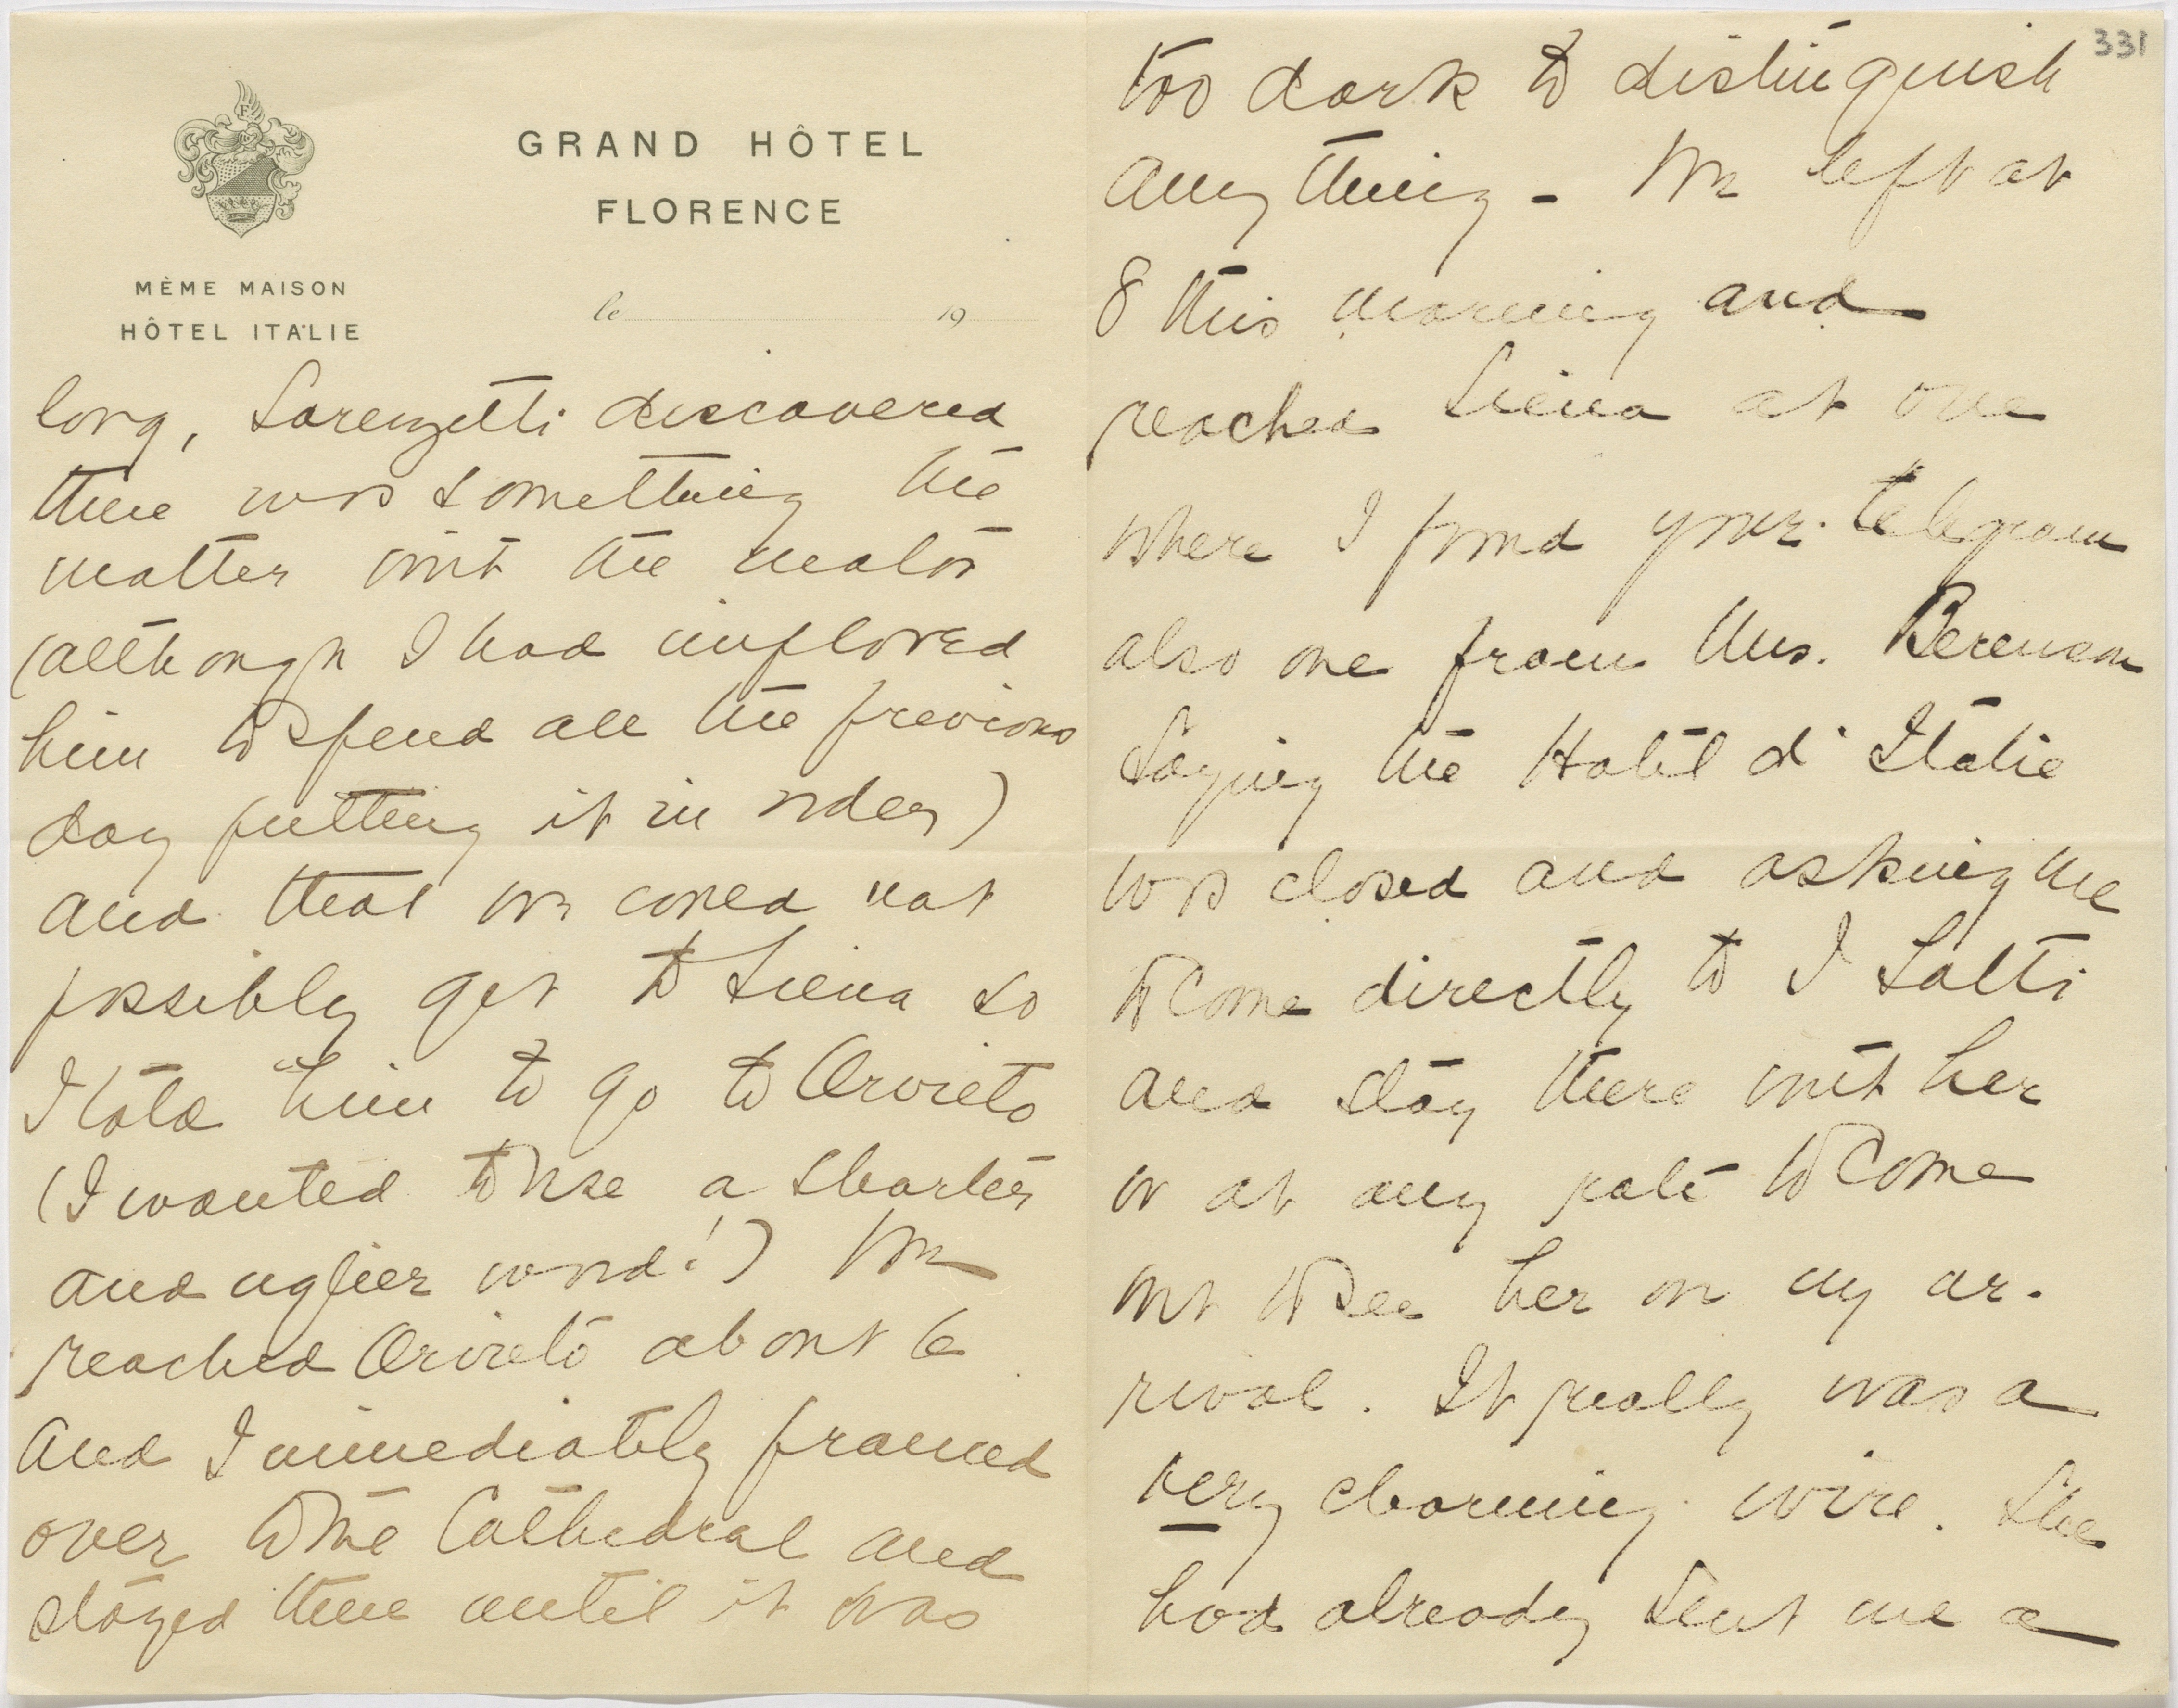long, Lorenzetti discovered there was something the matter with the motor (although I had implored him to spend all the previous day putting it in order) and that we could not possibly get to Siena so I told him to go to Orvieto (I wanted to use a shorter and uglier word!) We reached Orvieto about 6 and I immediately pranced over to the Cathedral and stayed there until it was
too dark to distinguish any thing – We left at 8 this morning and reached Siena at one where I found your telegram also one from Mrs. Berenson saying that Hôtel d’Italie was closed and asking me to come directly to I Tatti and stay there with her or at any rate to come out to see her on my arrival. It really was a very charming wire. She had already sent me a